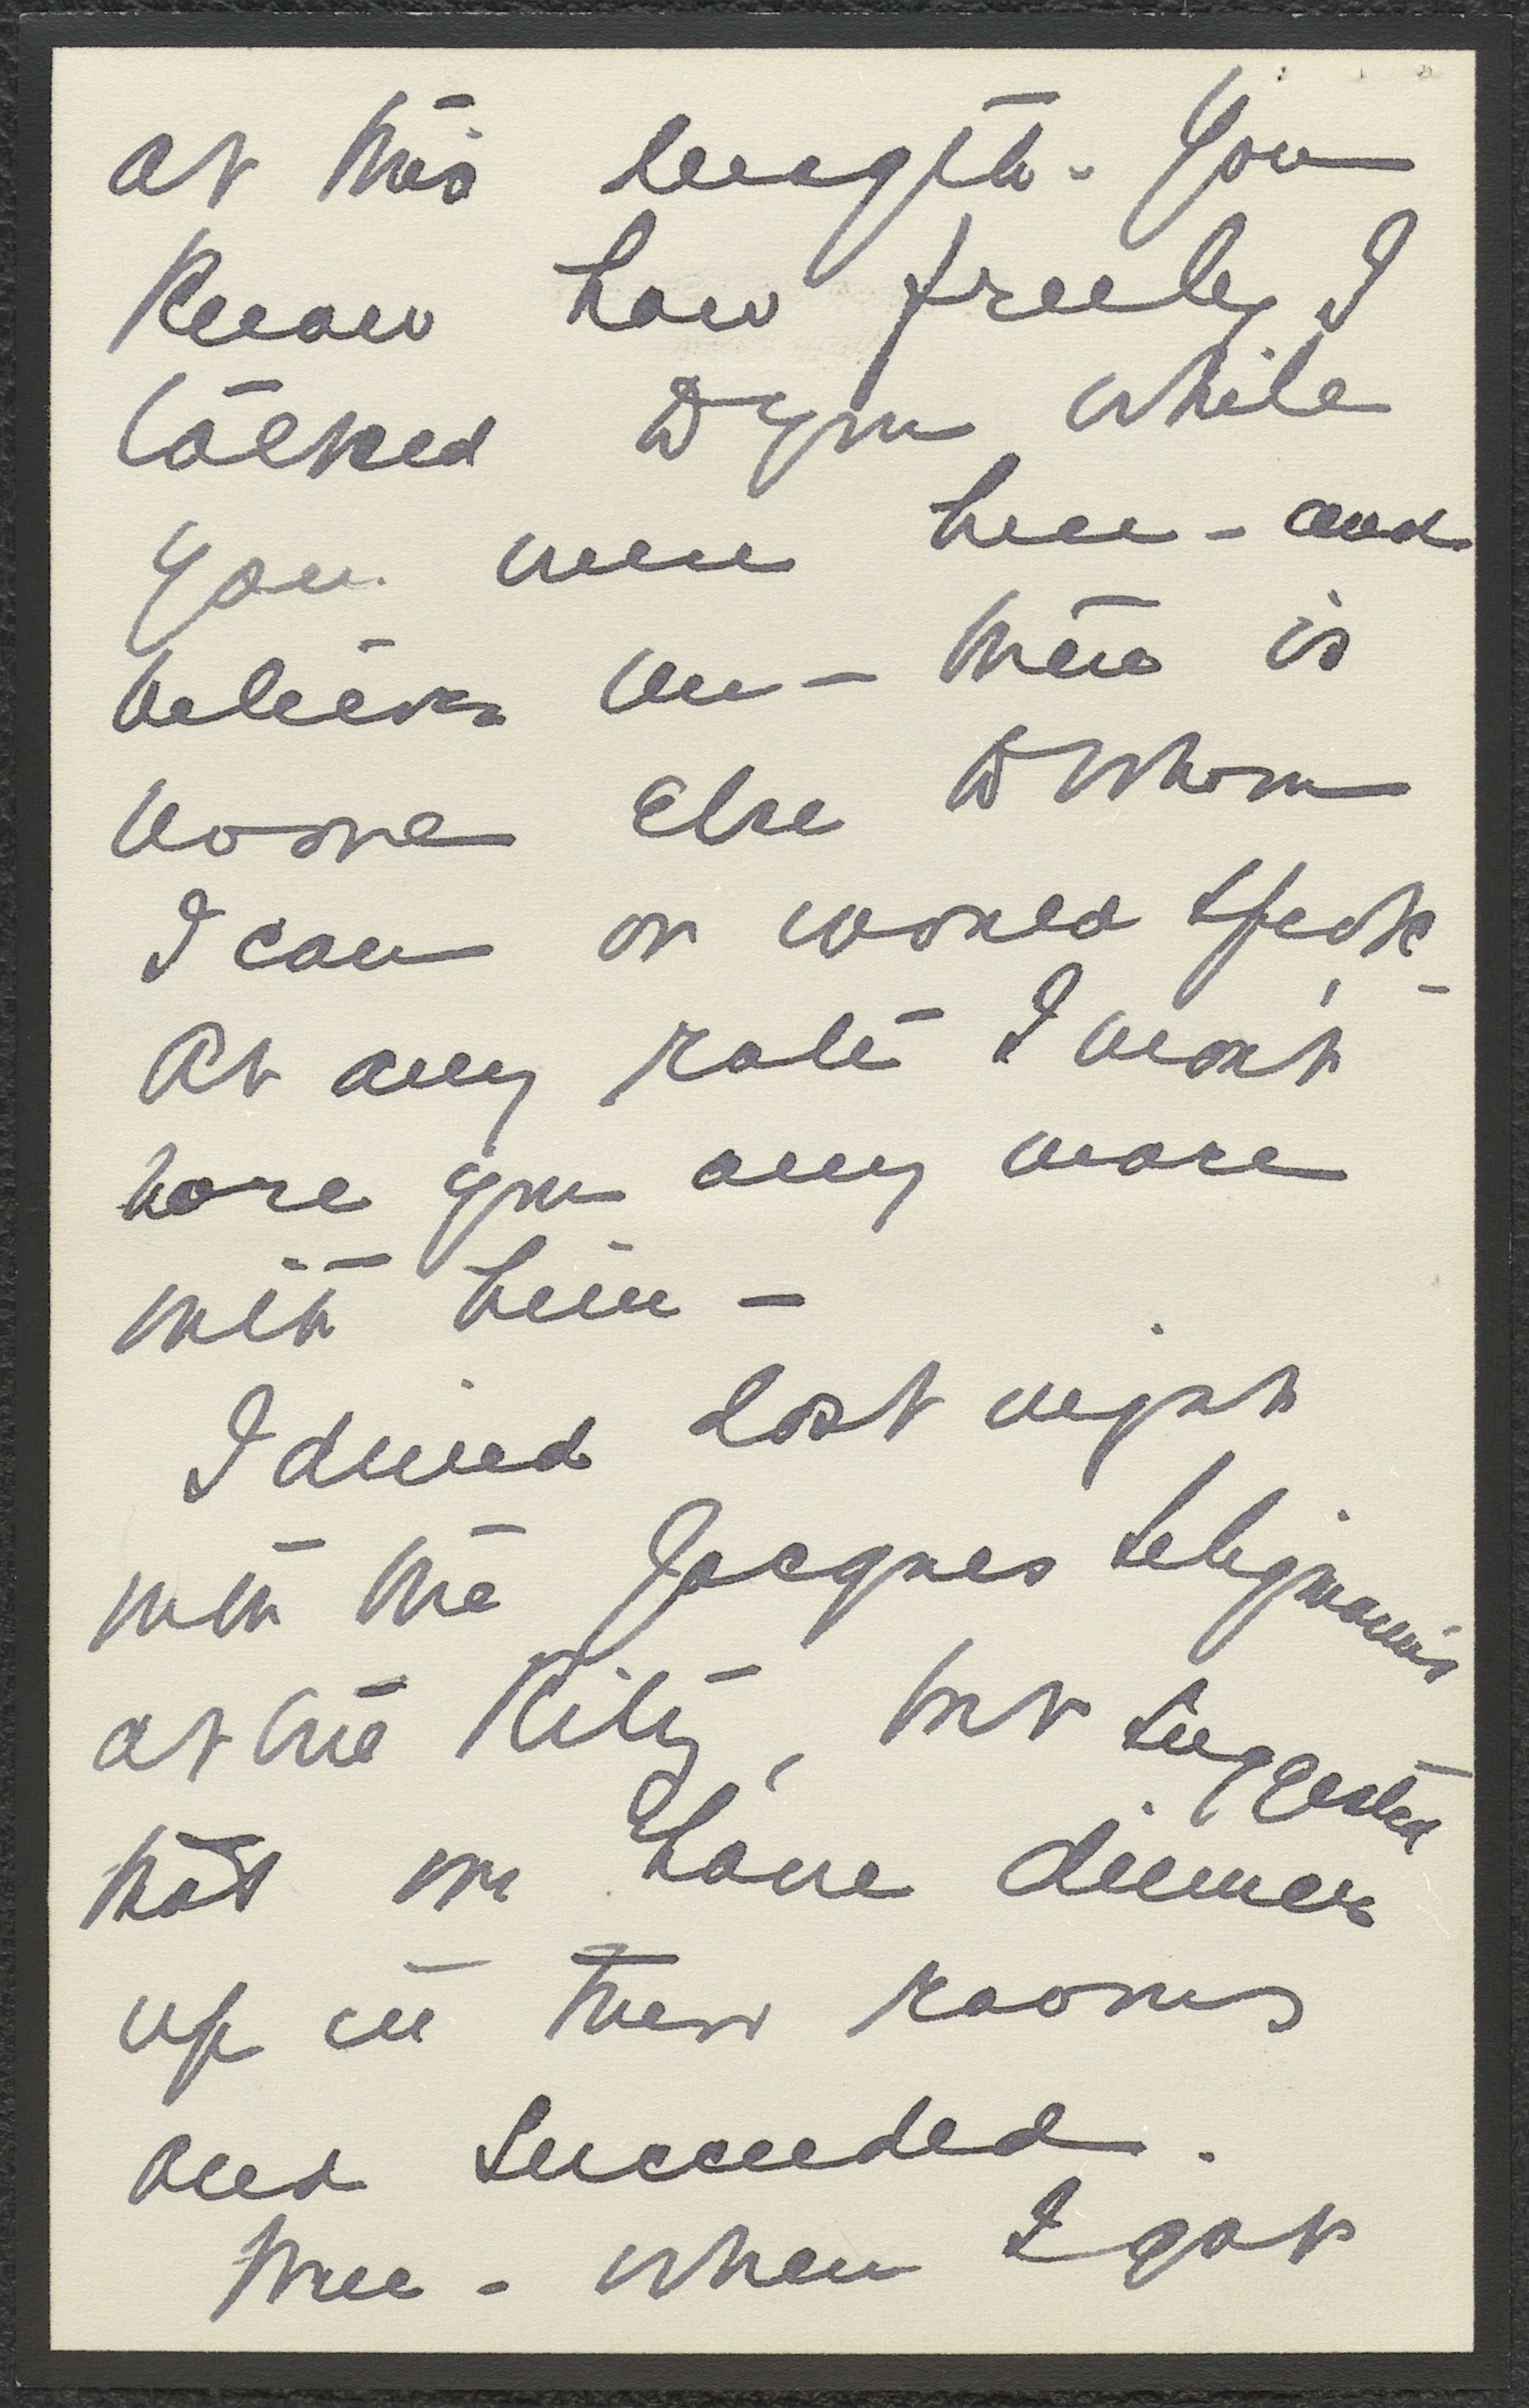at this length. You know how freely I talked to you while you were here – and believe me – there is noone else to whom I can or would speak – At any rate I won’t bore you any more with him –
I dined last night with the Jacques Seligmann’s at the Ritz, but suggested that we have dinner up in their rooms and succeeded.
Well – when I got